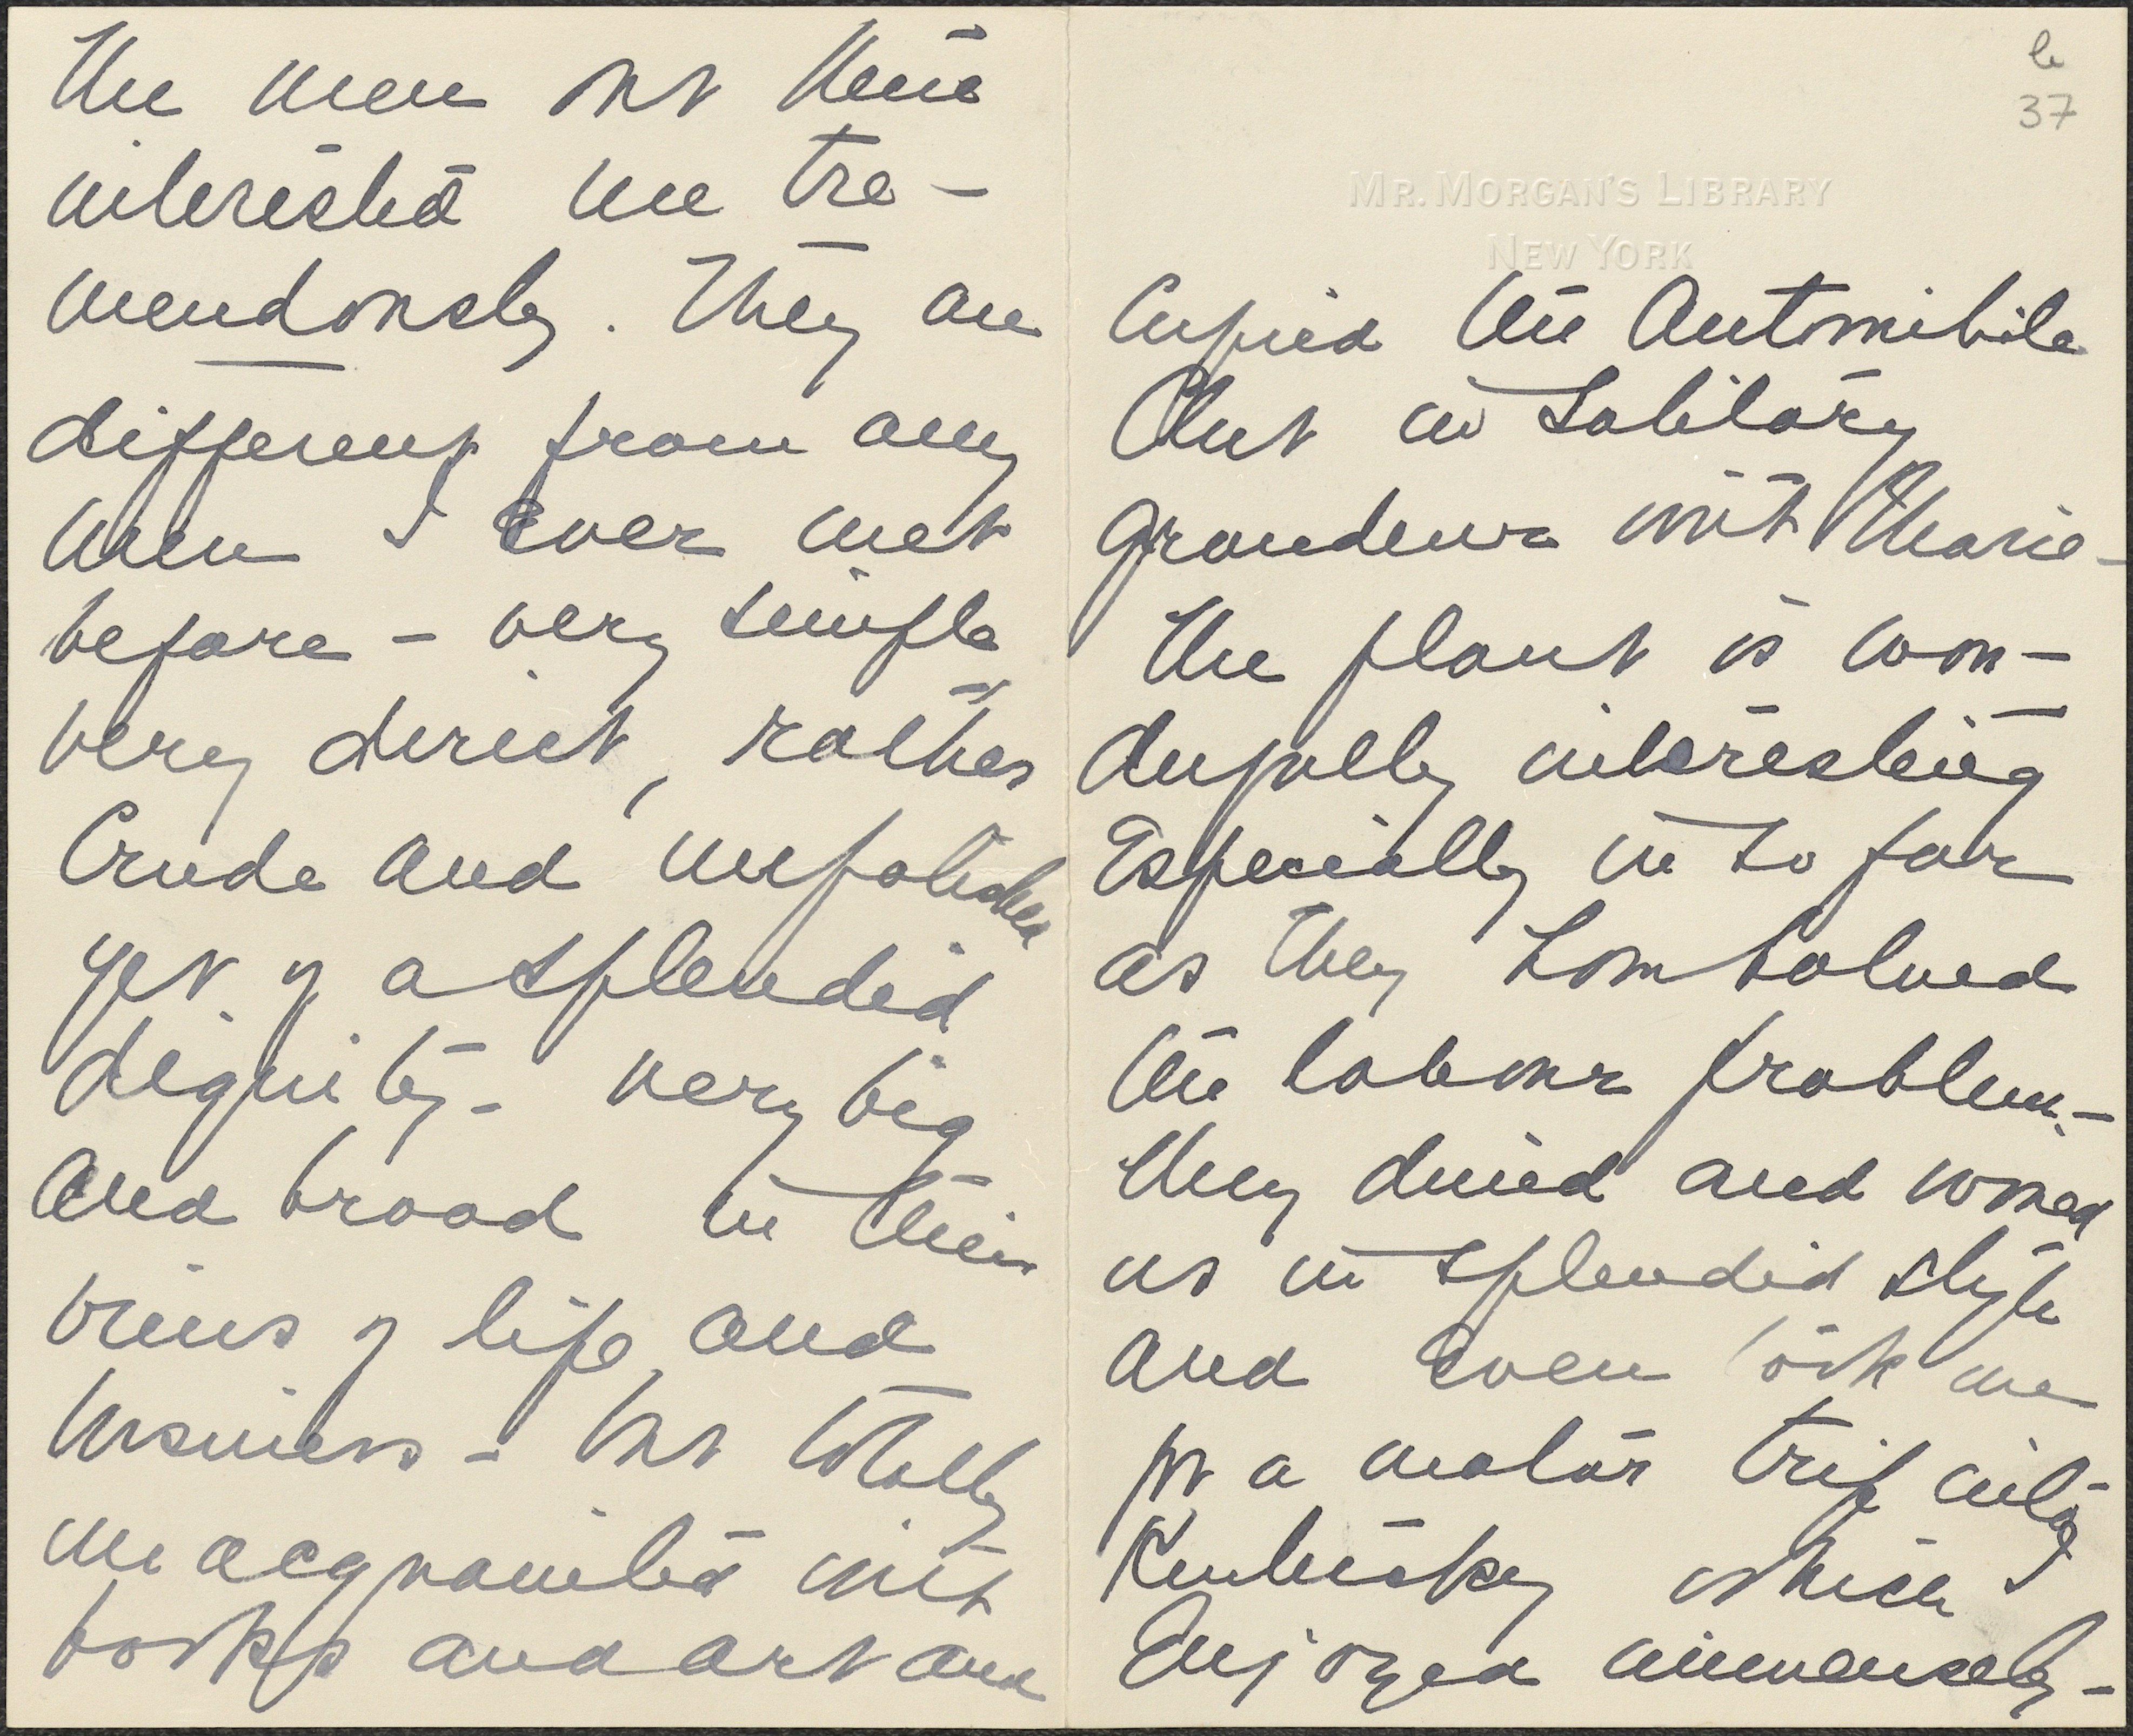occupied the Automobile Club in Solitary grandeur with Marie – The plant is wonderfully interesting especially in so far as they have solved the labour problem – They dined and wooed us in splendid style and even took me for a motor trip into Kentucky which I enjoyed immensely –
The men out there interested me tremendously. They are different from any men I ever met before – very simple very direct, rather crude and unpolished yet of a splendid dignity – very big and broad in their views of life and business – but totally unacquainted with books and art and